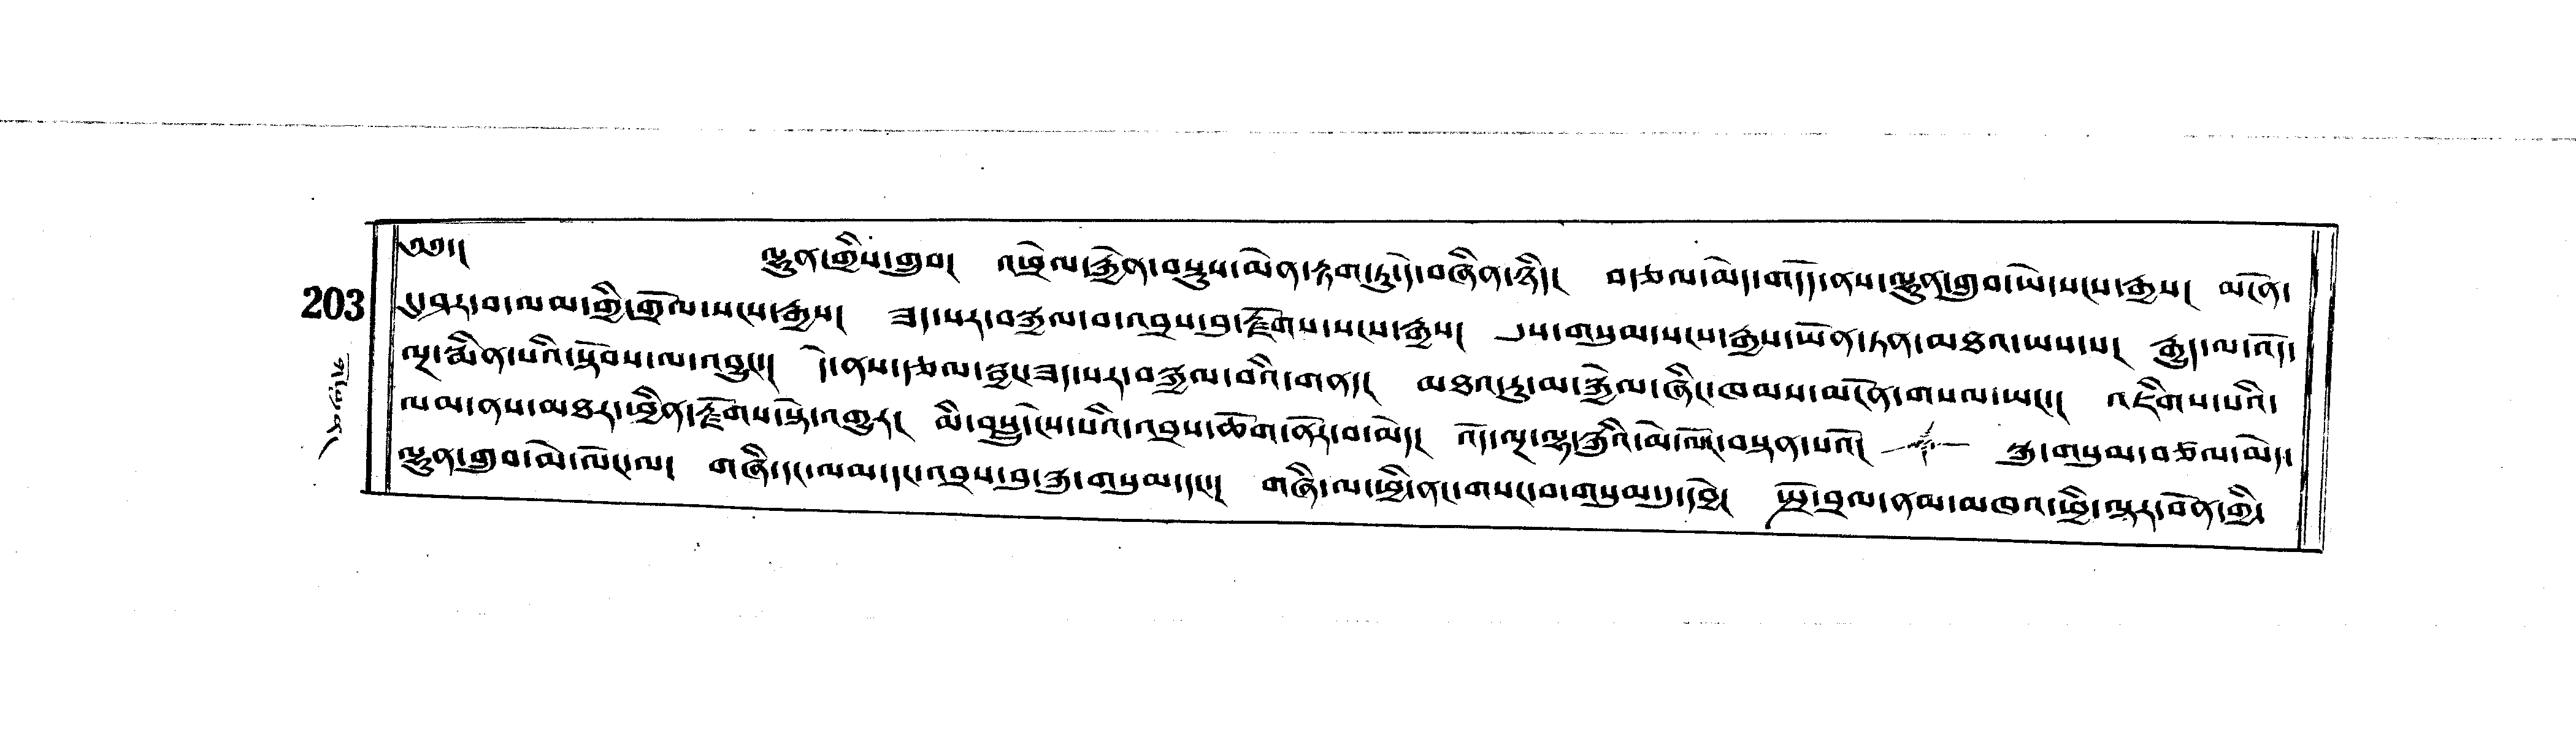ལྷུན་གྱིས་གྲུབ། འཕྲལ་རྐྱེན་བསྡུས་མེན་རྟག་ཏུ་དེ་བཞིན་ཉིད། རྩལ་མེད་གདོད་ནས་ལྷུན་གྲུབ་ཡེ་སངས་རྒྱས། མངོན་
དུ་ཤར་བ་ལམ་གྱི་གྲོལ་སངས་རྒྱས། ཟད་སར་བསྐྱལ་བ་འབྲས་བུ་རྫོགས་སངས་རྒྱས། དུས་གསུམ་སངས་རྒྱས་ཡོན་ཏན་མཐའ་ཡས་པ། རྒྱུད་ལ་འོད་
ལྔ་སྨིན་པའི་སྟོབས་ལ་འབྱུང་། དེ་ནས་རྩལ་སྦྱངས་ཟད་སར་བསྐྱལ་བའི་གནད། མཐའ་རུ་མ་བསྐྱལ་ཞིང་ཁམས་མངོན་གསལ་ཡང་། འཇིགས་པའི་
ལམ་ནས་མཐར་ཕྱིན་རྫོགས་ཏེ་འགྱུར། མི་བསླུ་ངེས་པའི་འབྲས་མཆོག་ནོར་བ་མེད། འོད་ལྔ་ལྷ་སྐུའི་མེ་ལོང་བསྟན་པའོ། ༧ །སྐུ་གསུམ་རྩལ་མེད་
ལྷུན་གྲུབ་མེ་ལོང་ལ། གཞི་དང་ལམ་དང་འབྲས་བུ་སྐུ་གསུམ་དང་། གཞི་ལ་ཕྱི་ནང་གསང་བ་གསུམ་དུ་དབྱེ། སྤྲོས་བྲལ་ནམ་མཁའ་ཕྱི་ལྟར་བོན་གྱི་